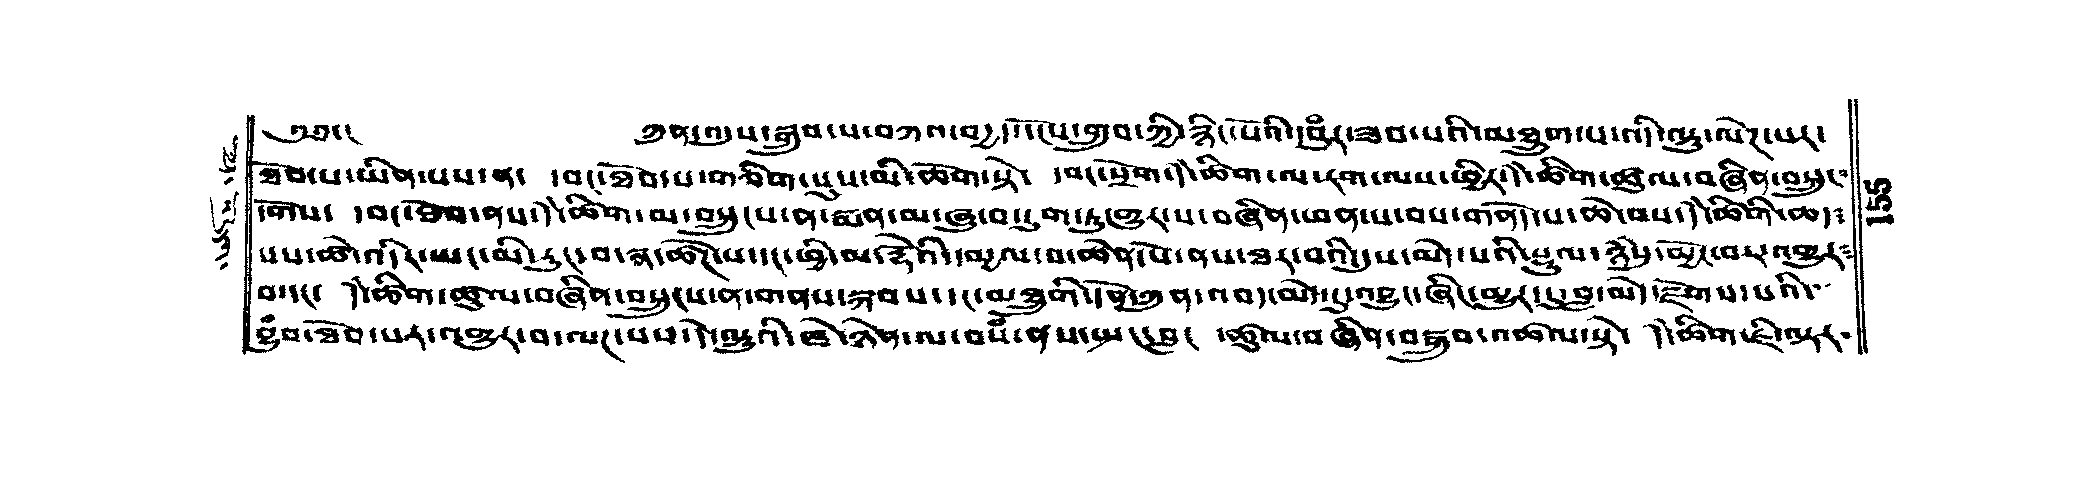ཀུན་འདུས་སྒྲུབ་པ་བཀའ་བརྒྱ་དངོས་གྲུབ་ཀྱི་སྙིང་པོའི་དབང་བསྐུར་ཟབ་པའི་མཐར་ཐུག་པ་འདི་ལྟ་བུ་ལེགས་པར་
ཐོབ་པ་ཡིན་པས་ན། དབང་ཐོབ་པ་གཅིག་པུས་མི་ཆོག་སྟེ། དབང་སྲོག་དམ་ཚིག་ལ་རག་ལས་ཕྱིར་དམ་ཚིག་ཚུལ་བཞིན་སྲུང་
དགོས།དབང་ཐོས་ནས་དམ་ཚིག་མ་བསྲུངས་ན་སྨན་མ་ཞུ་བ་དུག་ཏུ་གྱུར་པ་བཞིན་ཕན་པ་བས་གནོད་པ་ཆེ་བས་དམ་ཚིག་གི་ཆད་
པས་ཚེ་འདིར་ཡང་མི་རུང་བ་སྣ་ཚོགས་པ་དང་ཕྱི་མ་རྡོ་རྗེའི་དམྱལ་བ་ཆེན་པོ་ནས་ཐར་བའི་དུས་མེད་པའི་སྡུག་བསྔལ་ཉམས་སུ་མྱོང་བར་འགྱུར་
བ་དང་། དམ་ཚིག་ཚུལ་བཞིན་བསྲུངས་ན་གནས་སྐབས་དང་མཐར་ཐུག་གི་དོན་ཀུན་འབད་མེད་དུ་འབྱུང་ཞིང་མྱུར་དུ་བླ་མེད་རྫོགས་པའི་
བྱང་ཆུབ་ཐོབ་པར་འགྱུར་བ་ལགས་པས་དེ་ལྟ་བུའི་ཁེ་ཉེན་ལ་བསམ་ནས་སྤང་བླང་ཚུལ་བཞིན་བསྒྲུབ་འཚལ་ཏེ། དམ་ཚིག་ཇི་ལྟར་